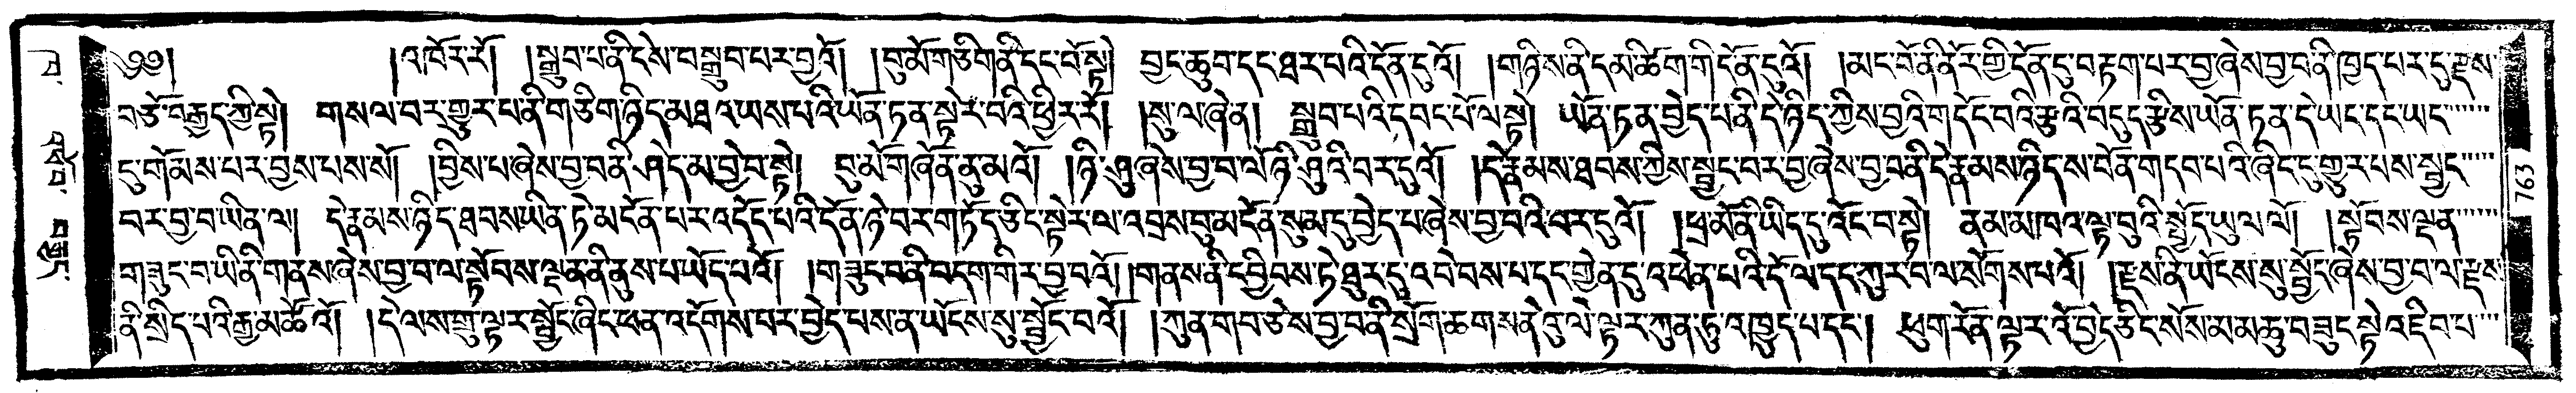༄༅། །འཁོར་རོ། །སྒྲུབ་པ་ནི་ངེས་བསྒྲུབ་པར་བྱའོ། །བུ་མོ་གཅིག་ནི་དང་པོ་སྟེ། བྱང་ཆུབ་དང་ཐར་པའི་དོན་དུའོ། །གཉིས་ནི་དམ་ཚིག་གི་དོན་དུའོ། །མང་པོ་ནི་ནོར་གྱི་དོན་དུ་བརྟག་པར་བྱ་ཞེས་བྱ་བ་ནི་ཁྱད་པར་དུ་རྫས་
བཅོ་བརྒྱད་ཀྱི་སྟེ། གསལ་བར་གྱུར་པ་ནི་གཅིག་ཉིད་མཐའ་ཡས་པའི་ཡོན་ཏན་སྟེར་བའི་ཕྱིར་རོ། །སུ་ལ་ཞེན། སྒྲུབ་པའི་དབང་པོ་ལ་སྟེ། ཡོན་ཏན་བྱེད་པ་ནི་དེ་ཉིད་ཀྱིས་བྱའི་གདོང་བའི་རྩའི་བདུད་རྩིས་ཡོན་ཏན་དེ་ཡང་དང་ཡང་
དུ་གོམས་པར་བྱས་པས་སོ། །བྱིས་པ་ཞེས་བྱ་བ་ནི་ཤེད་མ་བྱེ་བ་སྟེ། བུ་མོ་གཞོན་ནུ་མའོ། །ཉི་ཤུ་ཞེས་བྱ་བ་ལོ་ཉི་ཤུའི་བར་དུའོ། །དེ་རྣམས་ཐབས་ཀྱིས་སྦྱང་བར་བྱ་ཞེས་བྱ་བ་ནི་དེ་རྣམས་ཉིད་ས་བོན་གདབ་པའི་ཞིང་དུ་གྱུར་པས་སྦྱང་
བར་བྱ་བ་ཡིན་ལ། དེ་རྣམས་ཉིད་ཐབས་ཡིན་ཏེ་མངོན་པར་འདོད་པའི་དོན་ཉེ་བར་གཏོད་ཅིང་སྟེར་ལ་འབྲས་བུ་མངོན་སུམ་དུ་བྱེད་པ་ཞེས་བྱ་བའི་བར་དུའོ། །ཕྲ་མོ་ནི་ཡིད་དུ་འོང་བ་སྟེ། ནམ་མཁའ་ལྟ་བུའི་སྤྱོད་ཡུལ་ལོ། །སྟོབས་ལྡན་
གཟུང་བ་ཡི་ནི་གནས་ཞེས་བྱ་བ་ལ་སྟོབས་ལྡན་ནི་ནུས་པ་ཡོད་པའོ། །གཟུང་བ་ནི་བདག་གིར་བྱ་བའོ། །གནས་ནི་དབྱིབས་ཏེ་ཐུར་དུ་འབེབས་པ་དང་གྱེན་དུ་འཕེན་པའི་དོ་ལ་དང་ཀུར་བ་ལ་སོགས་པའོ། །རྫས་ནི་ཡོངས་སུ་སྦྱོང་ཞེས་བྱ་བ་ལ་རྫས་
ནི་སྲིད་པའི་རྒྱ་མཚོའོ། །དེ་ལས་གྲུ་ལྟར་སྦྱོང་ཞིང་ཕན་འདོགས་པར་བྱེད་པས་ན་ཡོངས་སུ་སྦྱོང་བའོ། །ཀུན་གབ་ཅེས་བྱ་བ་ནི་སྲོག་ཆགས་ནེའུ་ལེ་ལྟར་ཀུན་ཏུ་འཁྱུད་པ་དང་། ཕུག་རོན་ལྟར་འོ་བྱེད་ཅིང་སོས་མ་མཆུ་བཟུང་སྟེ་འཇིབ་པ་